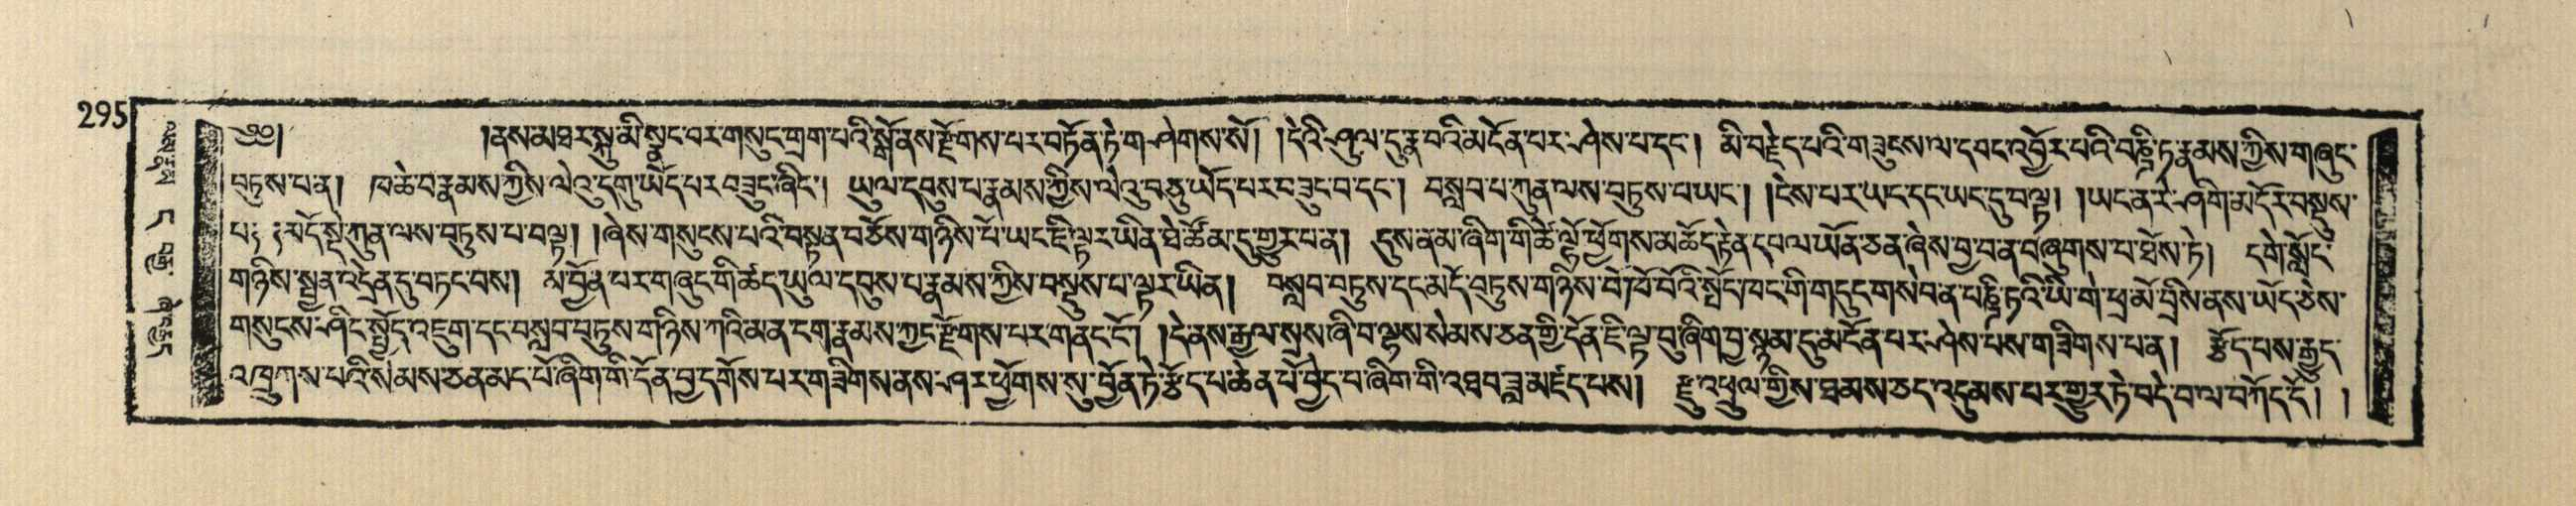༄༅། །ནས་མཐར་སྐུ་མི་སྣང་བར་གསུང་གྲག་པའི་སྒོ་ནས་རྫོགས་པར་བཏོན་ཏེ་གཤེགས་སོ། །དེའི་ཤུལ་དུ་རྣ་བའི་མངོན་པར་ཤེས་པ་དང་། མི་བརྗེད་པའི་གཟུངས་ལ་དབང་འབྱོར་པའི་པཎྜི་ཏ་རྣམས་ཀྱིས་གཞུང་
བཏུས་པ་ན། ཁ་ཆེ་བ་རྣམས་ཀྱིས་ལེའུ་དགུ་ཡོད་པར་བཟུང་ཞིང་། ཡུལ་དབུས་པ་རྣམས་ཀྱིས་ལེའུ་བཅུ་ཡོད་པར་བཟུང་བ་དང་། བསླབ་པ་ཀུན་ལས་བཏུས་པ་ཡང་། །ངེས་པར་ཡང་དང་ཡང་དུ་བལྟ། །ཡང་ན་རེ་ཤིག་མདོར་བསྡུས་
པ༑ ༑མདོ་སྡེ་ཀུན་ལས་བཏུས་པ་བལྟ། །ཞེས་གསུངས་པའི་བསྟན་བཅོས་གཉིས་པོ་ཡང་ཇི་ལྟར་ཡིན་ཐེ་ཚོམ་དུ་གྱུར་པ་ན། དུས་ནམ་ཞིག་གི་ཚེ་ལྷོ་ཕྱོགས་མཆོད་རྟེན་དཔལ་ཡོན་ཅན་ཞེས་བྱ་བ་ན་བཞུགས་པ་ཐོས་ཏེ། དགེ་སློང་
གཉིས་སྤྱན་འདྲེན་དུ་བཏང་བས། མ་བྱོན་པར་གཞུང་གི་ཚད་ཡུལ་དབུས་པ་རྣམས་ཀྱིས་བསྡུས་པ་ལྟར་ཡིན། བསླབ་བཏུས་དང་མདོ་བཏུས་གཉིས་བོ་ཁོ་བོའི་སྤོང་ཁང་གི་གདུང་གསེབ་ན་པཎྜི་ཏའི་ཡི་གེ་ཕྲ་མོ་བྲིས་ནས་ཡོད་ཅེས་
གསུངས་ཤིང་སྤྱོད་འཇུག་དང་བསླབ་བཏུས་གཉིས་ཀའི་མན་ངག་རྣམས་ཀྱང་རྫོགས་པར་གནང་ངོ། །དེ་ནས་རྒྱལ་སྲས་ཞི་བ་ལྷས་སེམས་ཅན་གྱི་དོན་ཇི་ལྟ་བུ་ཞིག་བྱ་སྙམ་དུ་མངོན་པར་ཤེས་པས་གཟིགས་པ་ན། རྩོད་པས་རྒྱུད་
འཁྲུགས་པའི་སེམས་ཅན་མང་པོ་ཞིག་གི་དོན་བྱ་དགོས་པར་གཟིགས་ནས་ཤར་ཕྱོགས་སུ་བྱོན་ཏེ་རྩོད་པ་ཆེན་པོ་བྱེད་པ་ཞིག་གི་འཐབ་ཟླ་མཛད་པས། རྫུ་འཕྲུལ་གྱིས་ཐམས་ཅད་འདུམས་པར་གྱུར་ཏེ་བདེ་བ་ལ་བཀོད་དོ། །